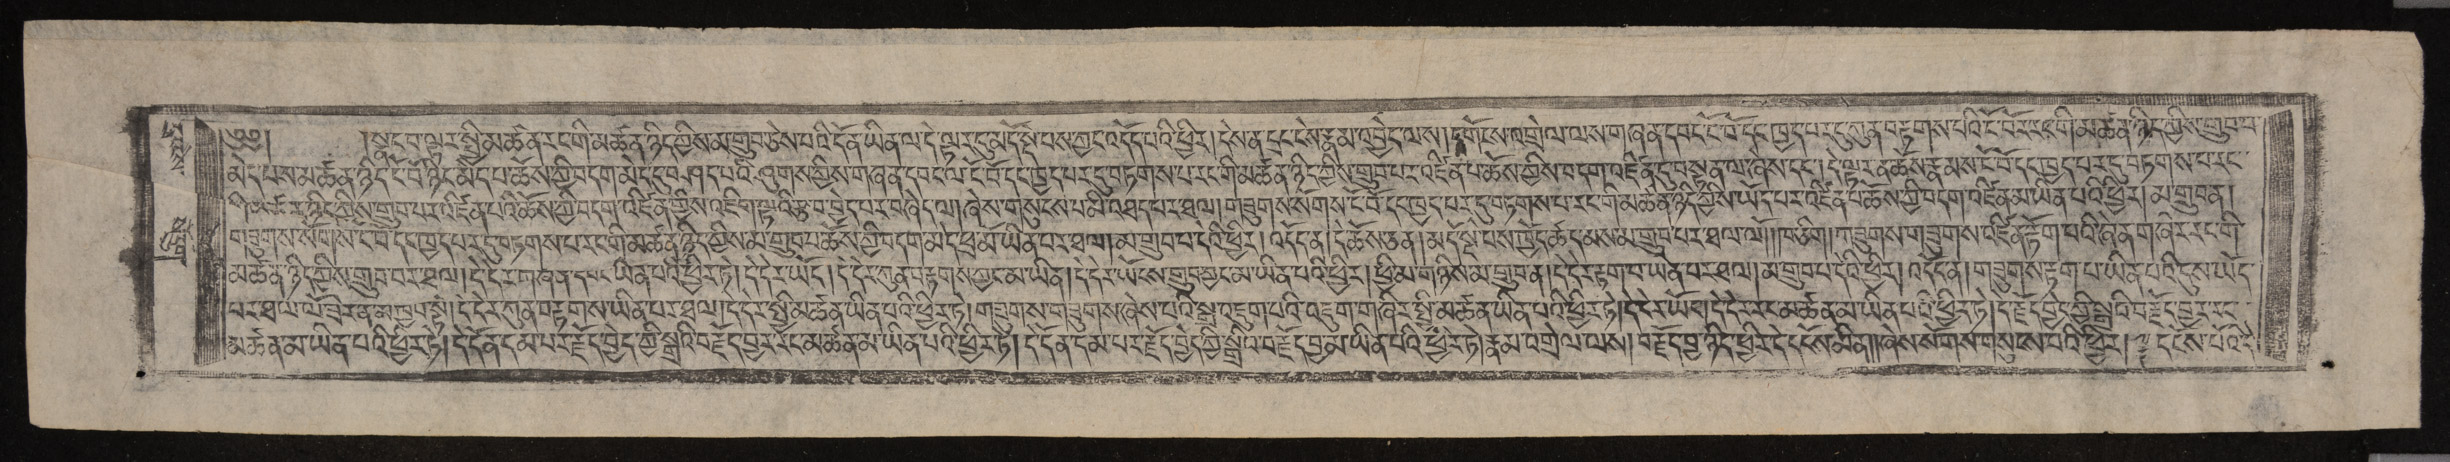༄༅། །སྣང་བ་ལྟར་སྤྱི་མཚན་རང་གི་མཚན་ཉིད་ཀྱིས་མ་གྲུབ་ཅེས་པའི་དོན་ཡིན་ལ་དེ་ལྟར་དུ་མདོ་སྡེ་པས་ཀྱང་འདོད་པའི་ཕྱིར། དེས་ན་དྲང་ངེས་རྣམ་འབྱེད་ལས། དགོངས་འགྲེལ་ལས་གཞན་དབང་ངོ་བོ་དང་ཁྱད་པར་དུ་ཀུན་བརྟགས་པའི་ངོ་བོར་རང་གི་མཚན་ཉིད་ཀྱིས་གྲུབ་པ་
མེད་པས་མཚན་ཉིད་ངོ་བོ་ཉིད་མེད་པ་ཆོས་ཀྱི་བདག་མེད་དུ་བཤད་པའི་ཤུགས་ཀྱིས་གཞན་དབང་ལ་ངོ་བོ་དང་ཁྱད་པར་དུ་བཏགས་པ་རང་གི་མཚན་ཉིད་ཀྱིས་གྲུབ་པར་འཛིན་པ་ཆོས་ཀྱིས་བདག་འཛིན་དུ་བསྟན་ལ་ཞེས་དང་། དེ་ལྟར་ན་ཆོས་རྣམས་ངོ་བོ་དང་ཁྱད་པར་དུ་བཏགས་པ་རང་
གི་མཚན་ཉིད་ཀྱིས་གྲུབ་པར་འཛིན་པའི་ཆོས་ཀྱི་བདག་འཛིན་གྱིས་འཇིག་ལྟའི་རྩ་བ་བྱེད་པར་བཞེད་ལ། ཞེས་གསུངས་པ་མི་འཐད་པར་ཐལ། གཟུགས་སོགས་ངོ་བོ་དང་ཁྱད་པར་དུ་བཏགས་པ་རང་གི་མཚན་ཉིད་ཀྱིས་ཡོད་པར་འཛིན་པ་ཆོས་ཀྱི་བདག་འཛིན་མ་ཡིན་པའི་ཕྱིར། མ་གྲུབ་ན།
གཟུགས་སོགས་ངོ་བོ་དང་ཁྱད་པར་དུ་བཏགས་པ་རང་གི་མཚན་ཉིད་ཀྱིས་མ་གྲུབ་པ་ཆོས་ཀྱི་བདག་མེད་ཕྲ་མོ་ཡིན་པར་ཐལ། མ་གྲུབ་པ་དེའི་ཕྱིར། འདོད་ན། དེ་ཆོས་ཅན། མདོ་སྡེ་པས་ཁྱོད་ཚད་མས་མ་གྲུབ་པར་ཐལ་ལོ། །ཁ་ཅིག། གཟུགས་གཟུགས་འཛིན་རྟོག་པའི་ཞེན་གཞིར་རང་གི་
མཚན་ཉིད་ཀྱིས་གྲུབ་པར་ཐལ། དེ་དེར་གཞན་དབང་ཡིན་པའི་ཕྱིར་ཏེ། དེ་དེར་ཡོད། དེ་དེར་ཀུན་བརྟགས་ཀྱང་མ་ཡིན། དེ་དེར་ཡོངས་གྲུབ་ཀྱང་མ་ཡིན་པའི་ཕྱིར། ཕྱི་མ་གཉིས་མ་གྲུབ་ན། དེ་དེར་རྟག་པ་ཡིན་པར་ཐལ། མ་གྲུབ་པ་དེའི་ཕྱིར། འདོད་ན། གཟུགས་རྟག་པ་ཡིན་པའི་དུས་ཡོད་
པར་ཐལ་ལོ་ཟེར་ན་མ་ཁྱབ་སྟེ། དེ་དེར་ཀུན་བརྟགས་ཡིན་པར་ཐལ། དེ་དེར་སྤྱི་མཚན་ཡིན་པའི་ཕྱིར་ཏེ། གཟུགས་གཟུགས་ཞེས་པའི་སྒྲ་འཇུག་པའི་འཇུག་གཞིར་སྤྱི་མཚན་ཡིན་པའི་ཕྱིར་ཏེ། དེ་དེར་ཡོད། དེ་དེར་རང་མཚན་མ་ཡིན་པའི་ཕྱིར་ཏེ། དེ་རྗོད་བྱེད་ཀྱི་སྒྲའི་བརྗོད་བྱར་རང་
མཚན་མ་ཡིན་པའི་ཕྱིར་ཏེ། དེ་དོན་དམ་པར་རྗོད་བྱེད་ཀྱི་སྒྲའི་བརྗོད་བྱར་རང་མཚན་མ་ཡིན་པའི་ཕྱིར་ཏེ། དེ་དོན་དམ་པར་རྗོད་བྱེད་ཀྱི་སྒྲའི་བརྗོད་བྱ་མ་ཡིན་པའི་ཕྱིར་ཏེ། རྣམ་འགྲེལ་ལས། བརྗོད་བྱ་ཉིད་ཕྱིར་དེ་དངོས་མིན། །ཞེས་སོགས་གསུངས་པའི་ཕྱིར། ༈ དངོས་པོའི་དེ་